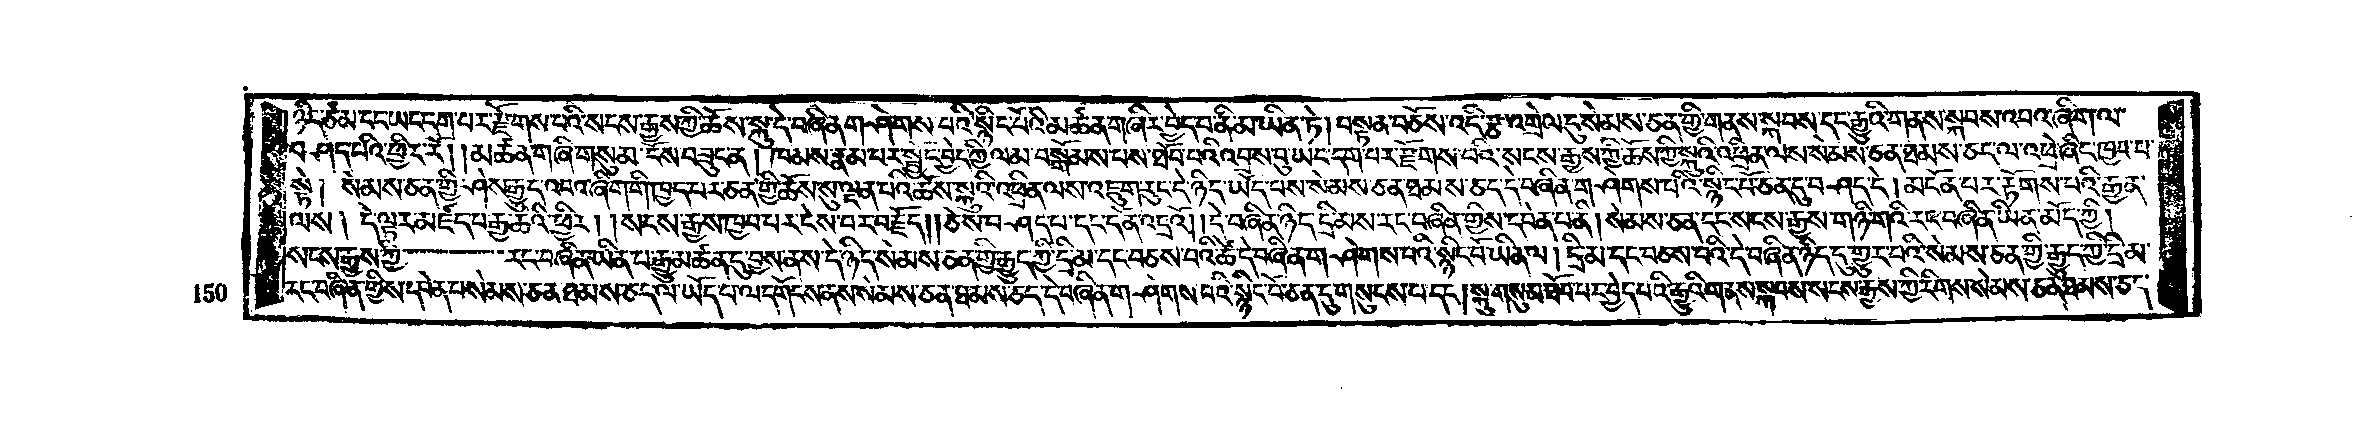ཉིད་ཙམ་དང་ཡང་དག་པར་རྫོགས་པའི་སངས་རྒྱས་ཀྱི་ཆོས་སྐུ་དེ་བཞིན་གཤེགས་པའི་སྙིང་པོའི་མཚན་གཞིར་བྱེད་པ་ནི་མ་ཡིན་ཏེ། བསྟན་བཅོས་འདི་རྩ་འགྲེལ་དུ་སེམས་ཅན་གྱི་གནས་སྐབས་དང་རྒྱུའི་གནས་སྐབས་འབའ་ཞིག་ལ་
བཤད་པའི་ཕྱིར་རོ། །མཚན་གཞི་གསུམ་ངོས་བཟུང་ན། ཁམས་རྣམ་པར་སྤྱོད་བྱེད་ཀྱི་ལམ་བསྒོམས་པས་ཐོབ་པའི་འབྲས་བུ་ཡང་དག་པར་རྫོགས་པའི་སངས་རྒྱས་ཀྱི་ཆོས་ཀྱི་སྐུའི་འཕྲིན་ལས་སེམས་ཅན་ཐམས་ཅད་ལ་འཕྲེ་ཞིང་ཁྱབ་པ་
སྟེ༑ སེམས་ཅན་གྱི་ཤེས་རྒྱུད་འབའ་ཞིག་གི་ཁྱད་པར་ཅན་གྱི་ཆོས་སུ་ལྡན་པའི་ཆོས་སྐུའི་འཕྲིན་ལས་འཇུག་རུང་དེ་ཉིད་ཡོད་པས་སེམས་ཅན་ཐམས་ཅད་དེ་བཞིན་གཤེགས་པའི་སྙིང་པོ་ཅན་དུ་བཤད་དེ། མངོན་པར་རྟོགས་པའི་རྒྱན་
ལས༑ དེ་ལྟར་མཛད་པ་རྒྱ་ཆེའི་ཕྱིར། །སངས་རྒྱས་ཁྱབ་པར་ངེས་པར་བརྗོད། །ཅེས་བཤད་པ་དང་དོན་འདྲའོ། །དེ་བཞིན་ཉིད་དྲི་མས་རང་བཞིན་གྱིས་དབེན་པ་ནི། སེམས་ཅན་དང་སངས་རྒྱས་གཉི་གའི་རང་བཞིན་ཡིན་མོད་ཀྱི།
སངས་རྒྱས་ཀྱི་རང་བཞིན་ཡིན་པ་རྒྱུ་མཚན་དུ་བྱས་ནས་དེ་ཉིད་སེམས་ཅན་གྱི་རྒྱུད་ཀྱི་དྲི་མ་དང་བཅས་པའི་ཚེ་དེ་བཞིན་གཤེགས་པའི་སྙིང་པོ་ཡིན་ལ། དྲི་མ་དང་བཅས་པའི་དེ་བཞིན་ཉིད་དུ་གྱུར་པའི་སེམས་ཅན་གྱི་རྒྱུད་ཀྱི་དྲི་མ་
རང་བཞིན་གྱིས་དབེན་པ་སེམས་ཅན་ཐམས་ཅད་ལ་ཡོད་པ་ལ་དགོངས་ནས་སེམས་ཅན་ཐམས་ཅད་དེ་བཞིན་གཤེགས་པའི་སྙིང་པོ་ཅན་དུ་གསུངས་པ་དང་། སྐུ་གསུམ་ཐོབ་པར་བྱེད་པའི་རྒྱུའི་གནས་སྐབས་སངས་རྒྱས་ཀྱི་རིགས་སེམས་ཅན་ཐམས་ཅད་